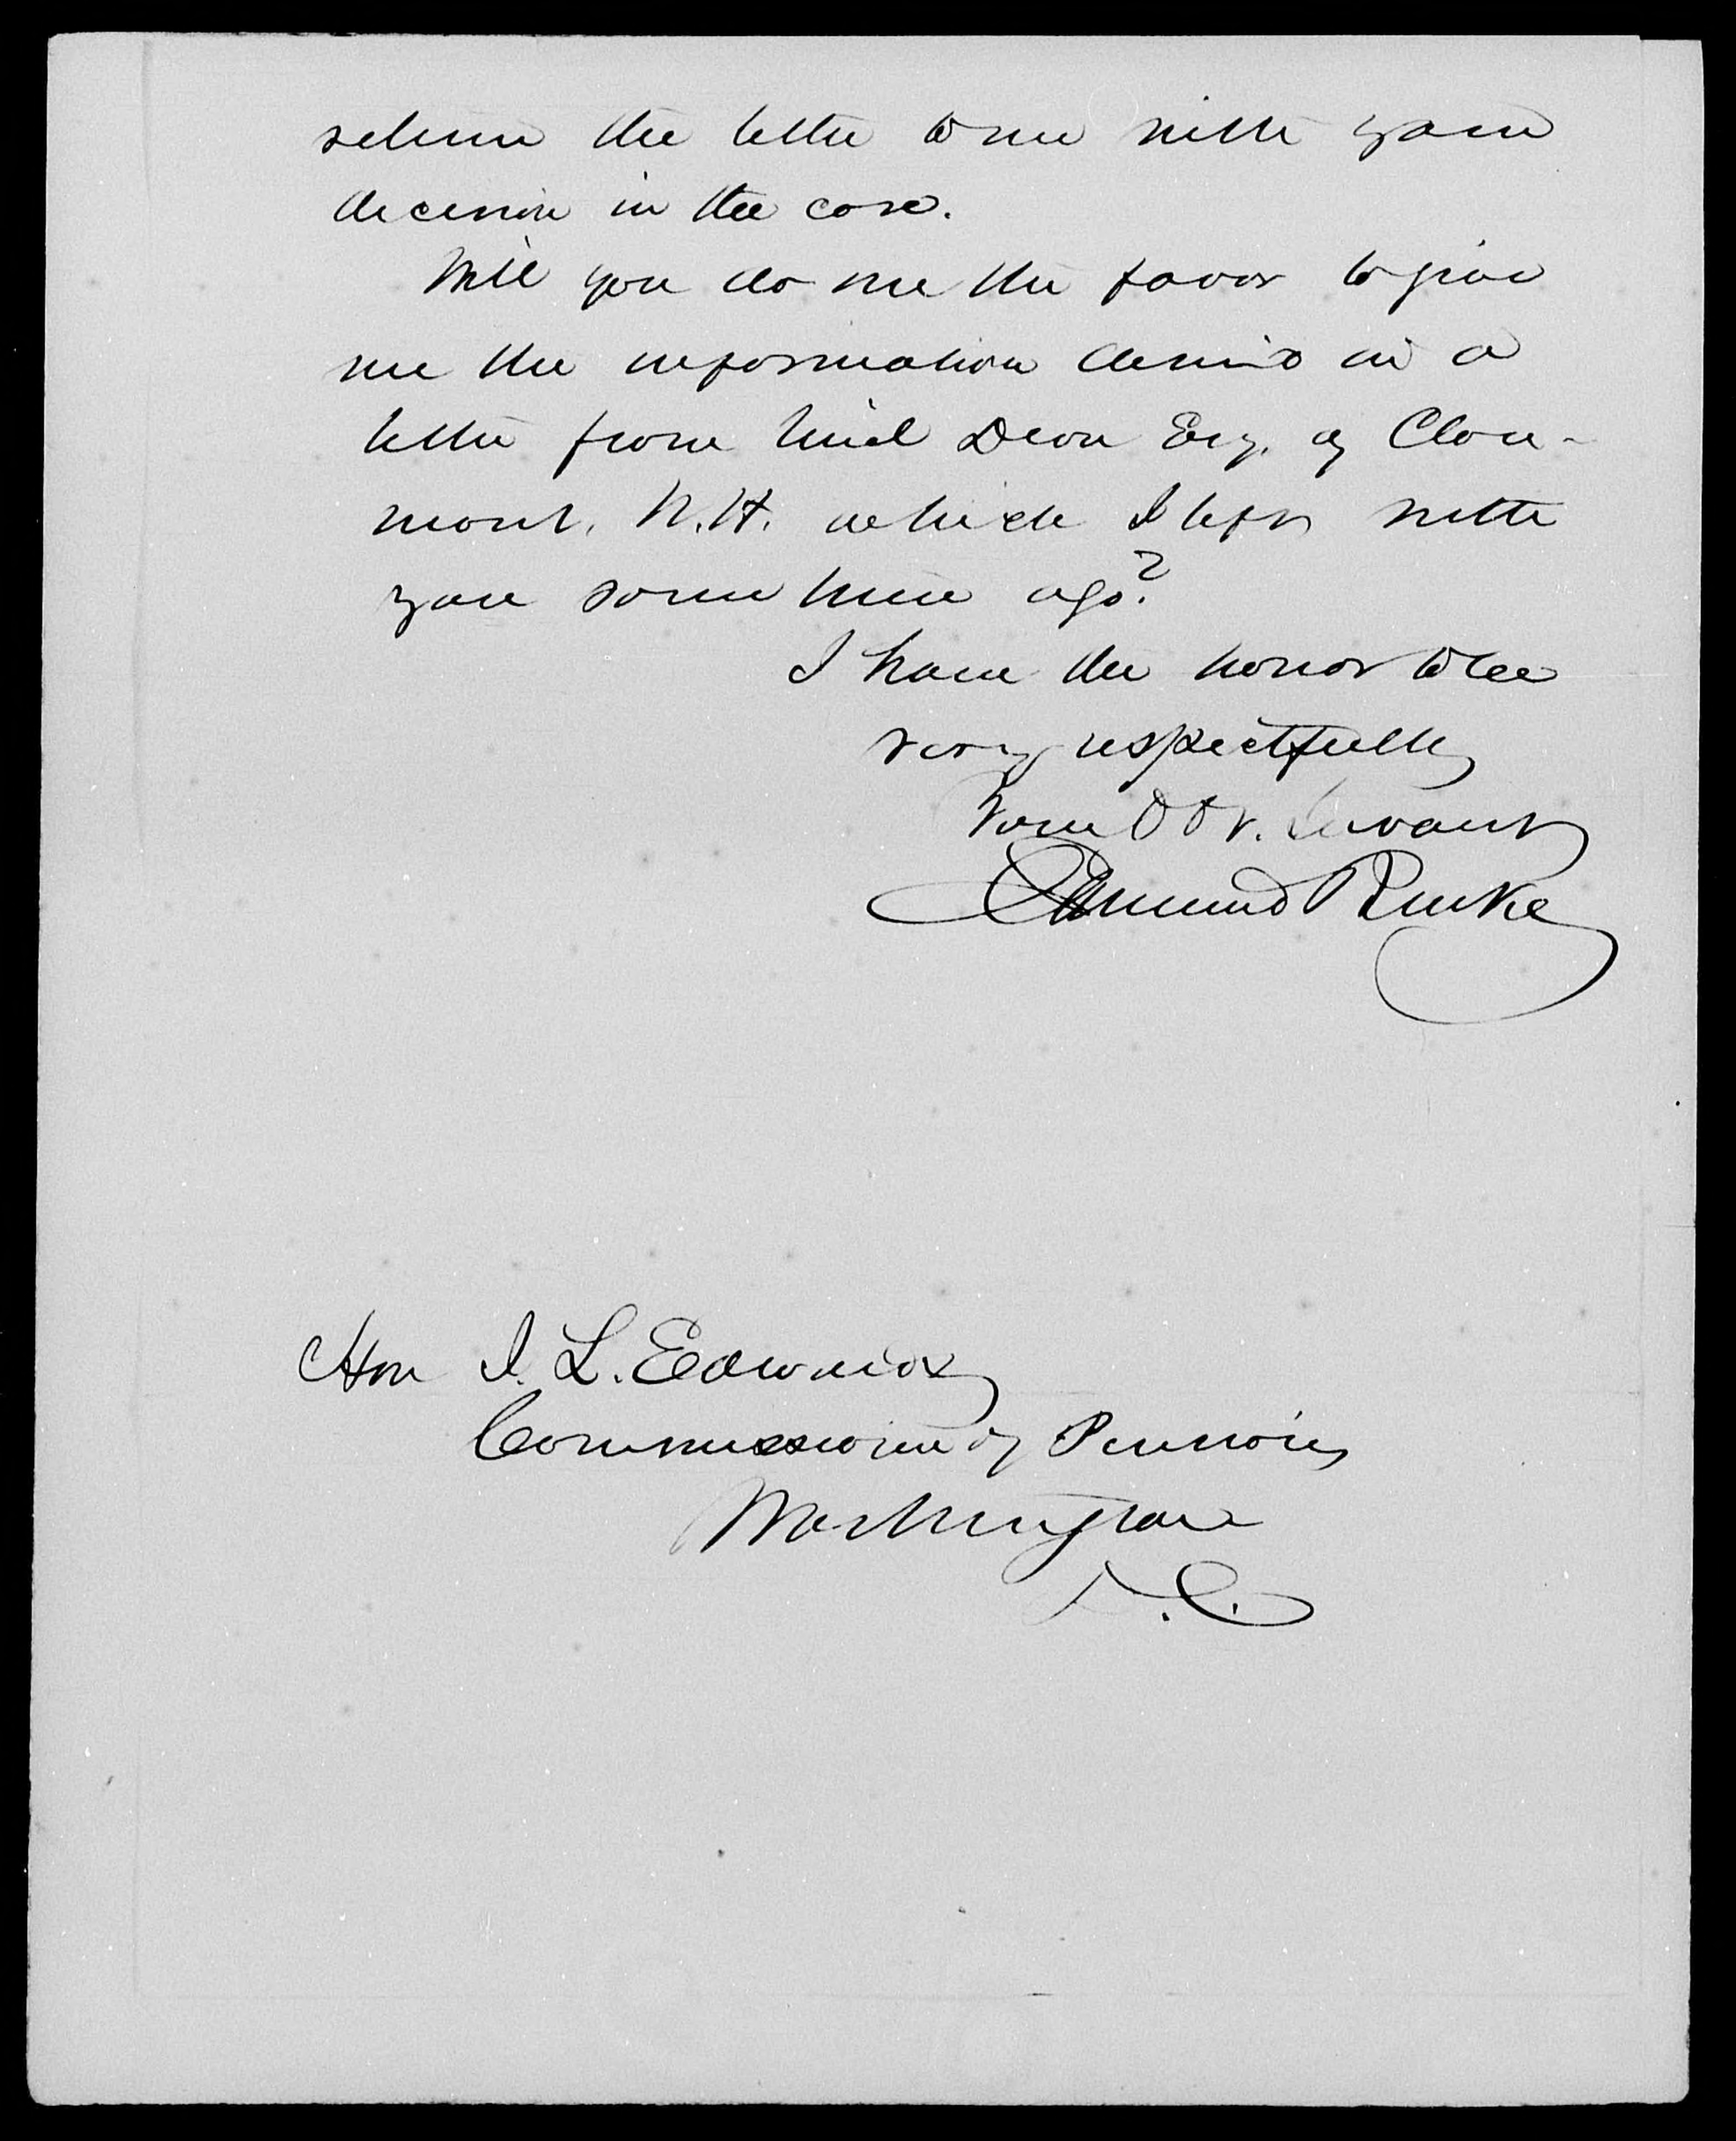return the letter to me with your decision in the case.
Will you do me the favor to give me the information desired in a letter from [illegible] Deon Esq. of Claremont, N.H. which I left with you some time ago?
I have the honor to be
very respectfully
Your Obt. Servant
Edmund Burke
Hon I.L. Edwards
Commissioner of Pensions
Washington
D.C.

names: J L Edwards, Edmund Burke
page: 32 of 59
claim: widow's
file: W. 23017, Richard Clair Everett, Mass.